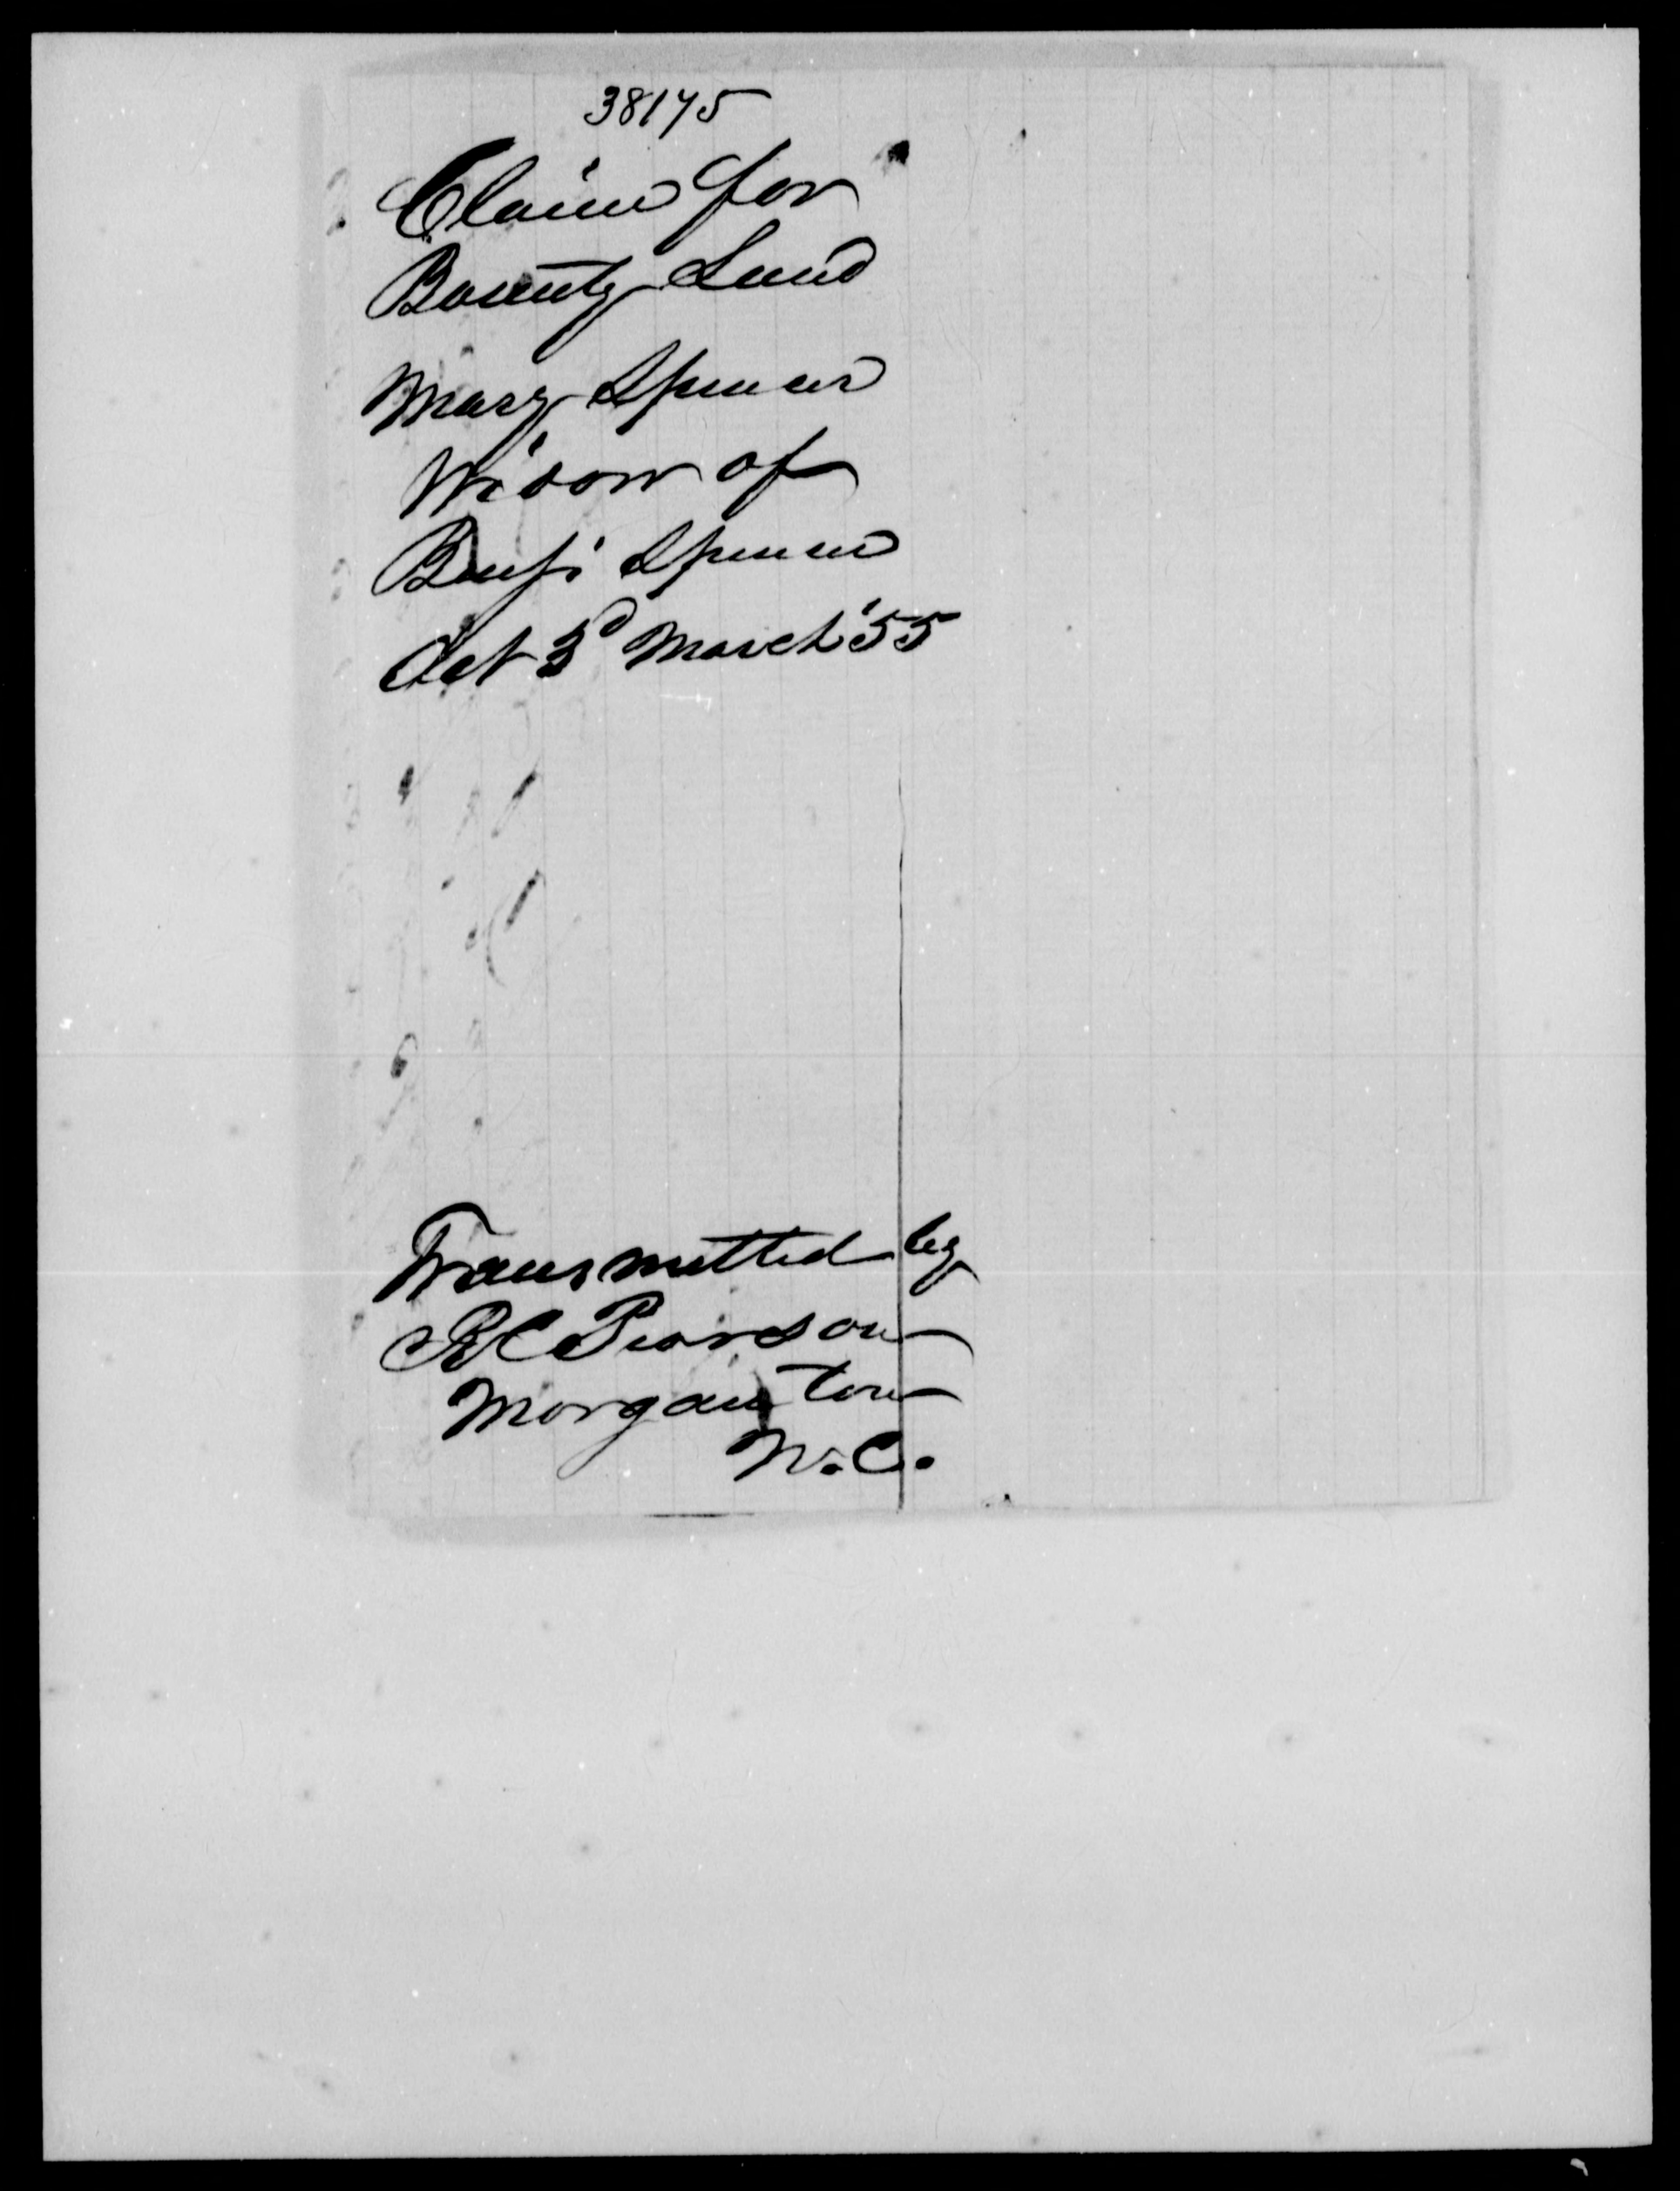38175
Claim for
County Land
Mary Spencer
Widow of
Benj. Spencer
Act 3d March 55

Transmitted by
R C Pearson
Morganton
N.C.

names: Benj Spencer; Mary Spencer; R C Pearson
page: 17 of 63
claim: widow's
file: W. 6158, for Benjamin Spencer, North Carolina